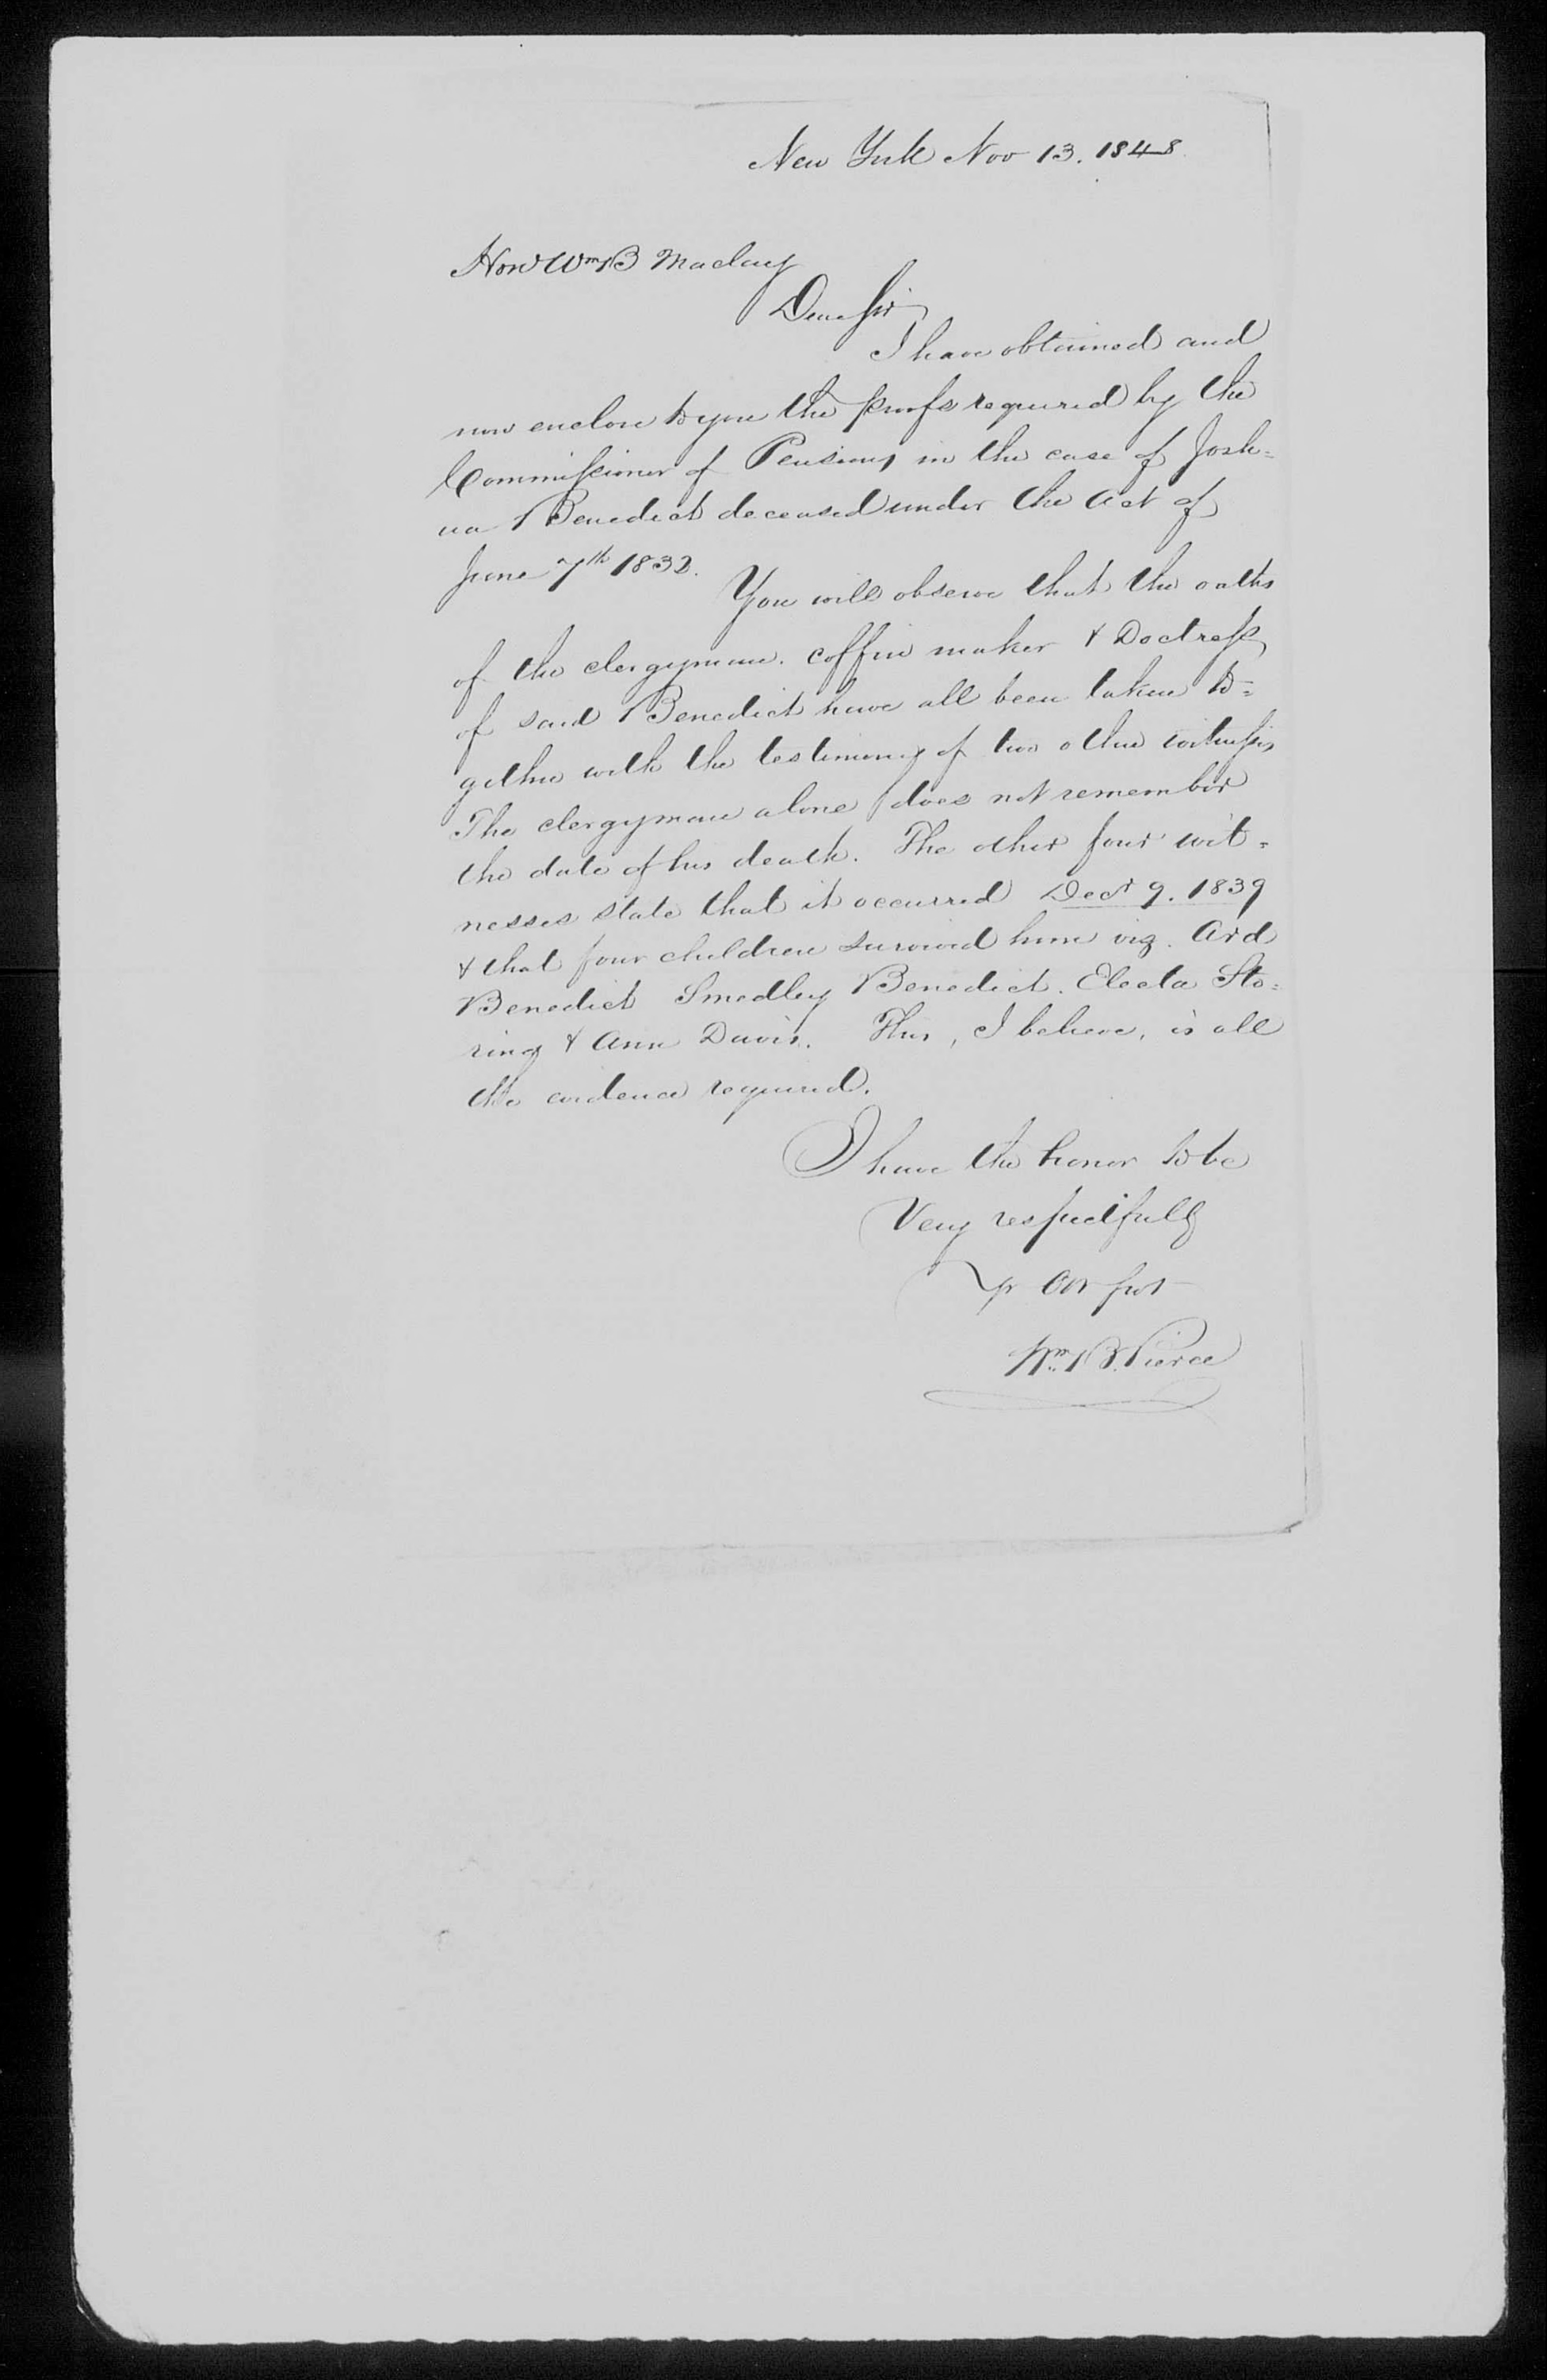New York Nov 13. 1848

Hon Wm B Maclay
Dear Sir
I have obtained and now enclose to you the proofs required by the Commissioner of Pensions in this case of Joshua Benedict deceased under the Act of June 7th 1832.
You will observe that the oaths of the clergyman, coffin maker & Doctress of said Benedict have all been taken together with the testimony of two other witnesses. The clergyman alone does not remember the date of his death. The other four witnesses state that it occurred Decr 9. 1839 & that four children survived him viz. Ard Benedict Smedley Benedict Electa Storing & Anna Davis. This, I believe, is all the evidence required.

I have the honor to be
Very respectfully
Yr Obt Srvt
Wm. B. Pierce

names: Wm B Maclay, Joshua Benedict, Electa Storing, Benedict, Ann Davis, Wm B Pierce, Ard Benedict, Smedley Benedict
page: 100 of 106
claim: survivor's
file: S 23,116., Joshua Benedict, Conn.